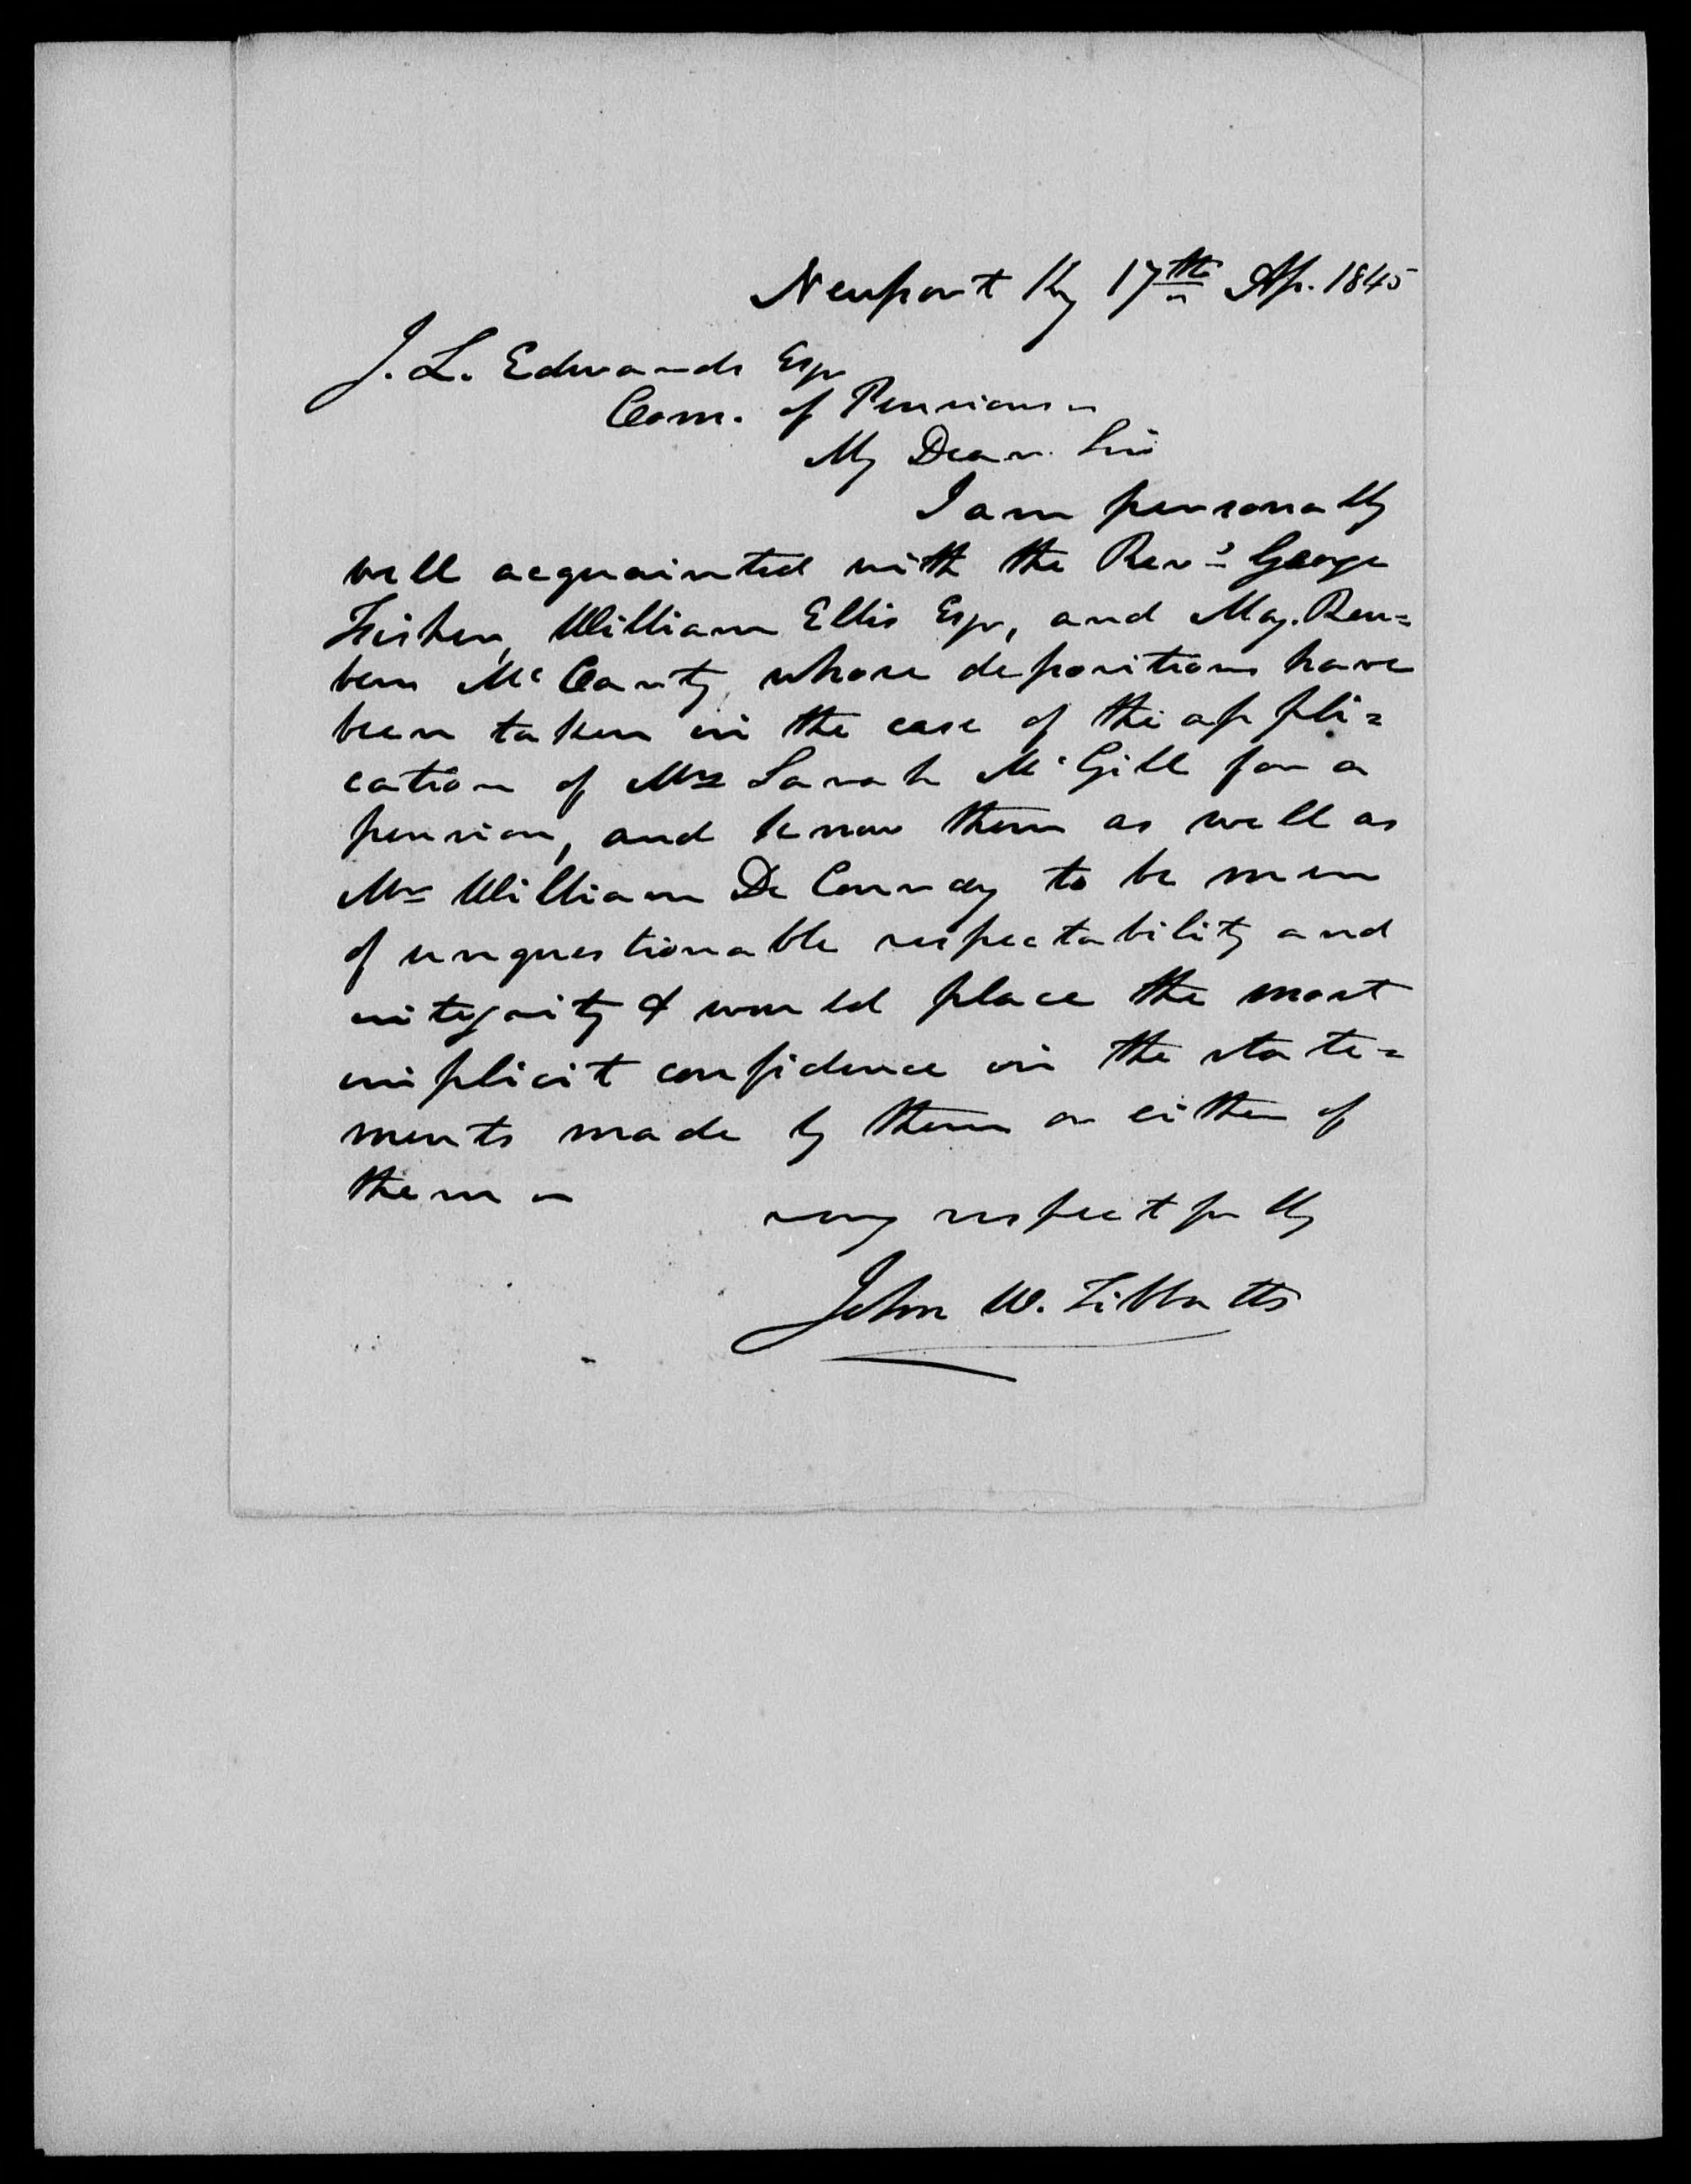Image 104		4160873_00104               Fold3 File #23857270
[Letter]  

Newport Ky 17th Apr. 1845 
J. L. Edwards Esq  Com. of Pensions-
My Dear Sir, I am personally well acquainted with the Revd George Fisher, William Ellis Esq, and Mag. Reuben McCarty, where depositions have been taken in the case of the application of Mrs. Sarah McGill for a pension, and know them as well as Mr. William DeCourcy to be men of unquestionable respectability and integrity and would place the most implicit confidence in the statements made by them or either of them. Most respectfully, John W. Tibbatts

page: 46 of 71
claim: widow's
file: W. 8428, for James Mc Gill, Pennsylvania